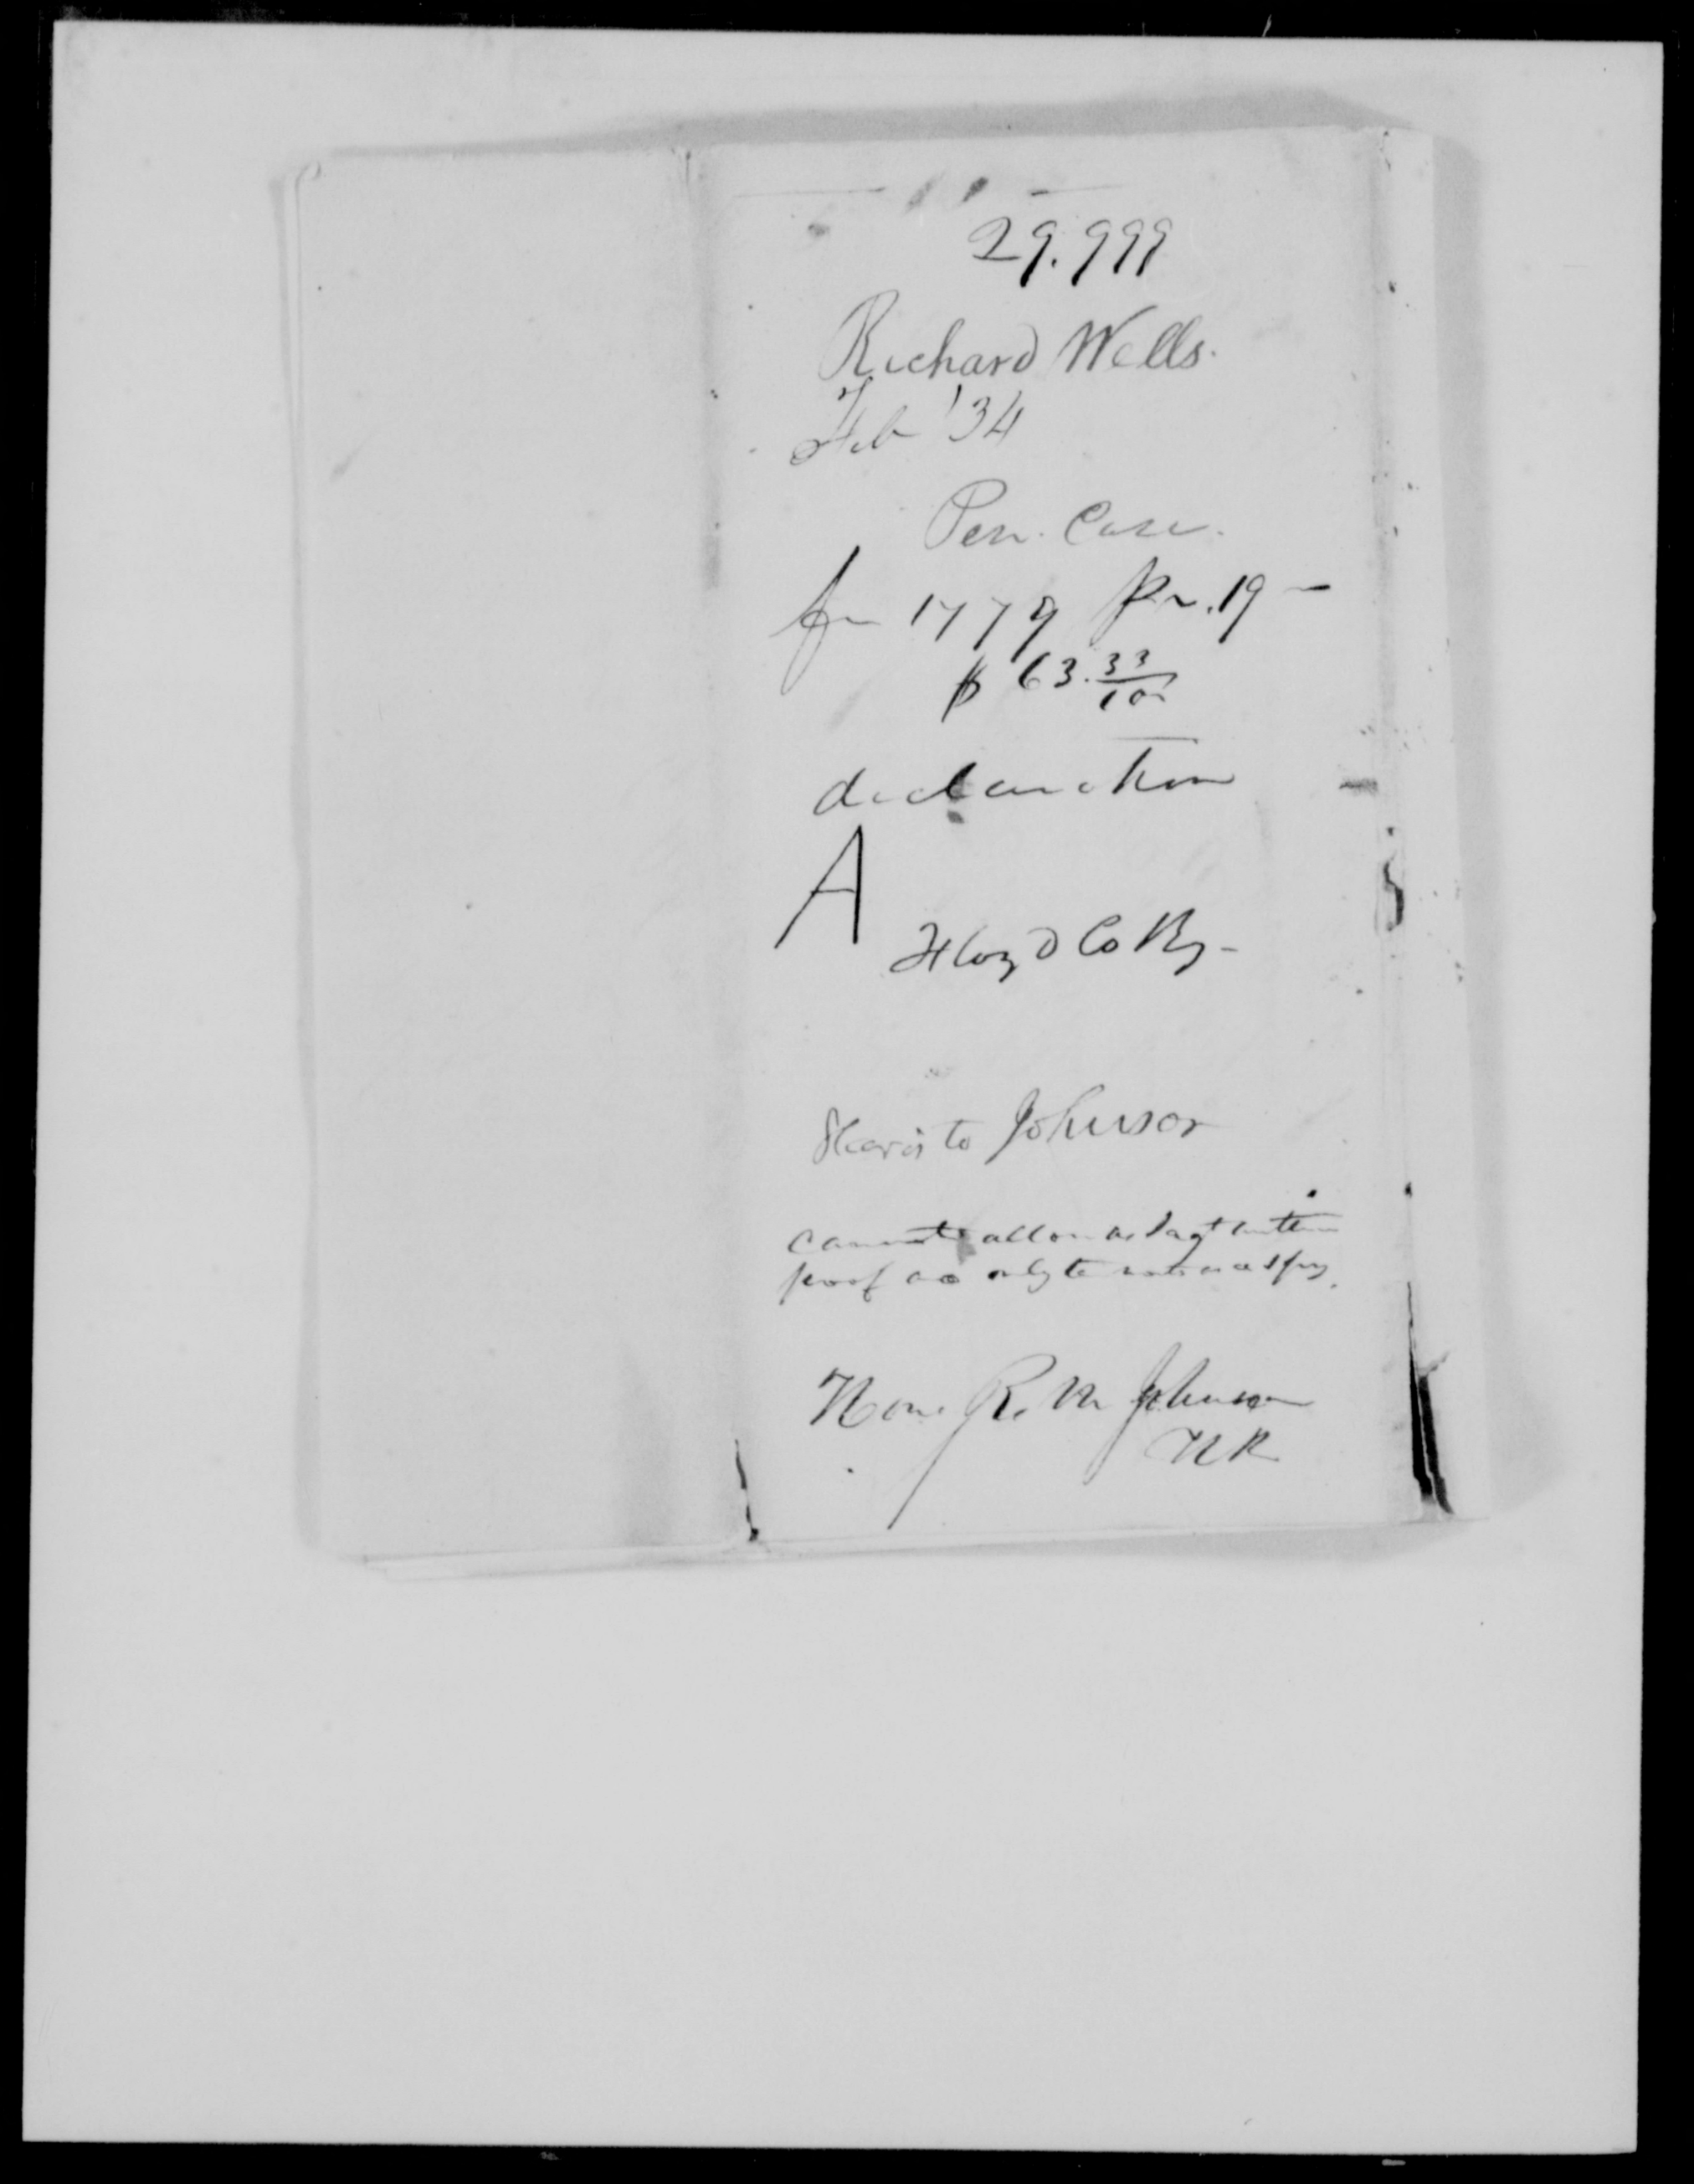29.999 Richard Wells Feb '34 F 1777 p . 19 $63 , 33/200  declaration A Floyd Co. Ky  ..(illegible ) to Johnson  cannot allow as .. (illegible ) proof ..( illegible ) Hon . R. M. Johnson  Clk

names: Richard Wells, R M Johnson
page: 20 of 100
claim: widow's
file: W. 6437, Richard Wells, Ga Va.